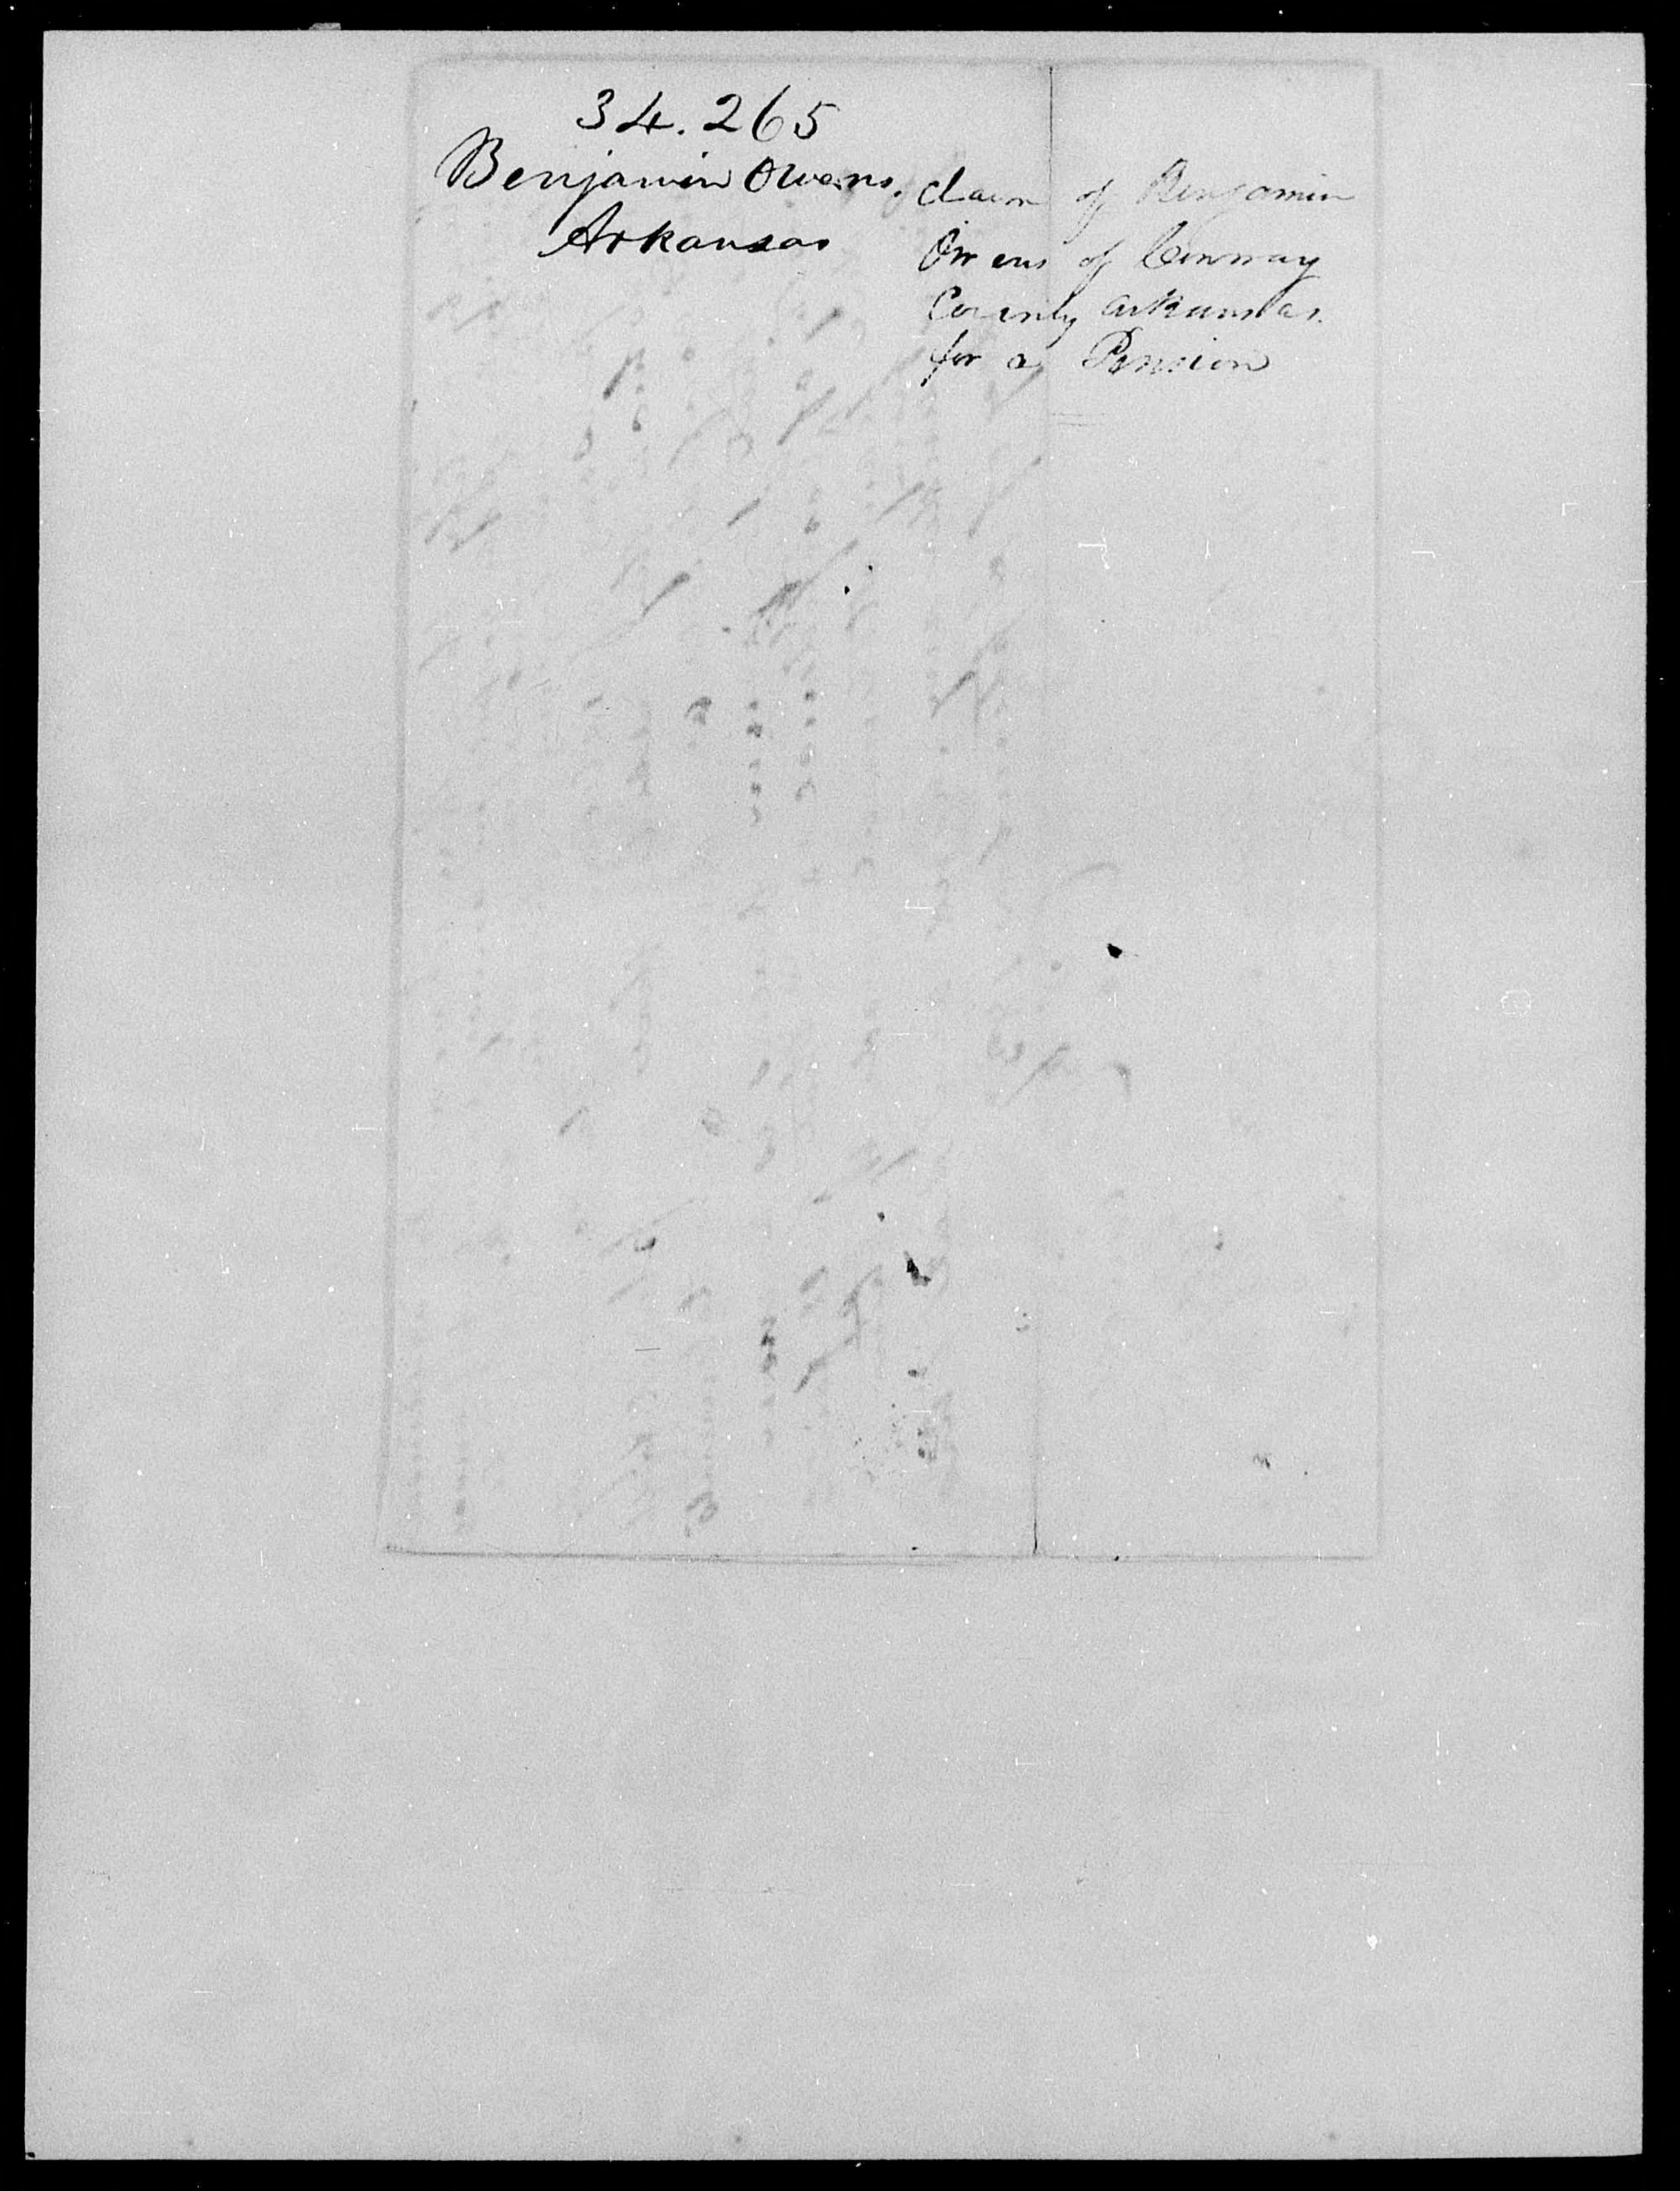34.265
Benjamin Owens
Arkansas
claim of Benjamin Owens of Conway County Arkansas. for a Pension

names: Benjamin Owens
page: 16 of 28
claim: rejected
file: R. 7846, for Benjamin Owens, South Carolina